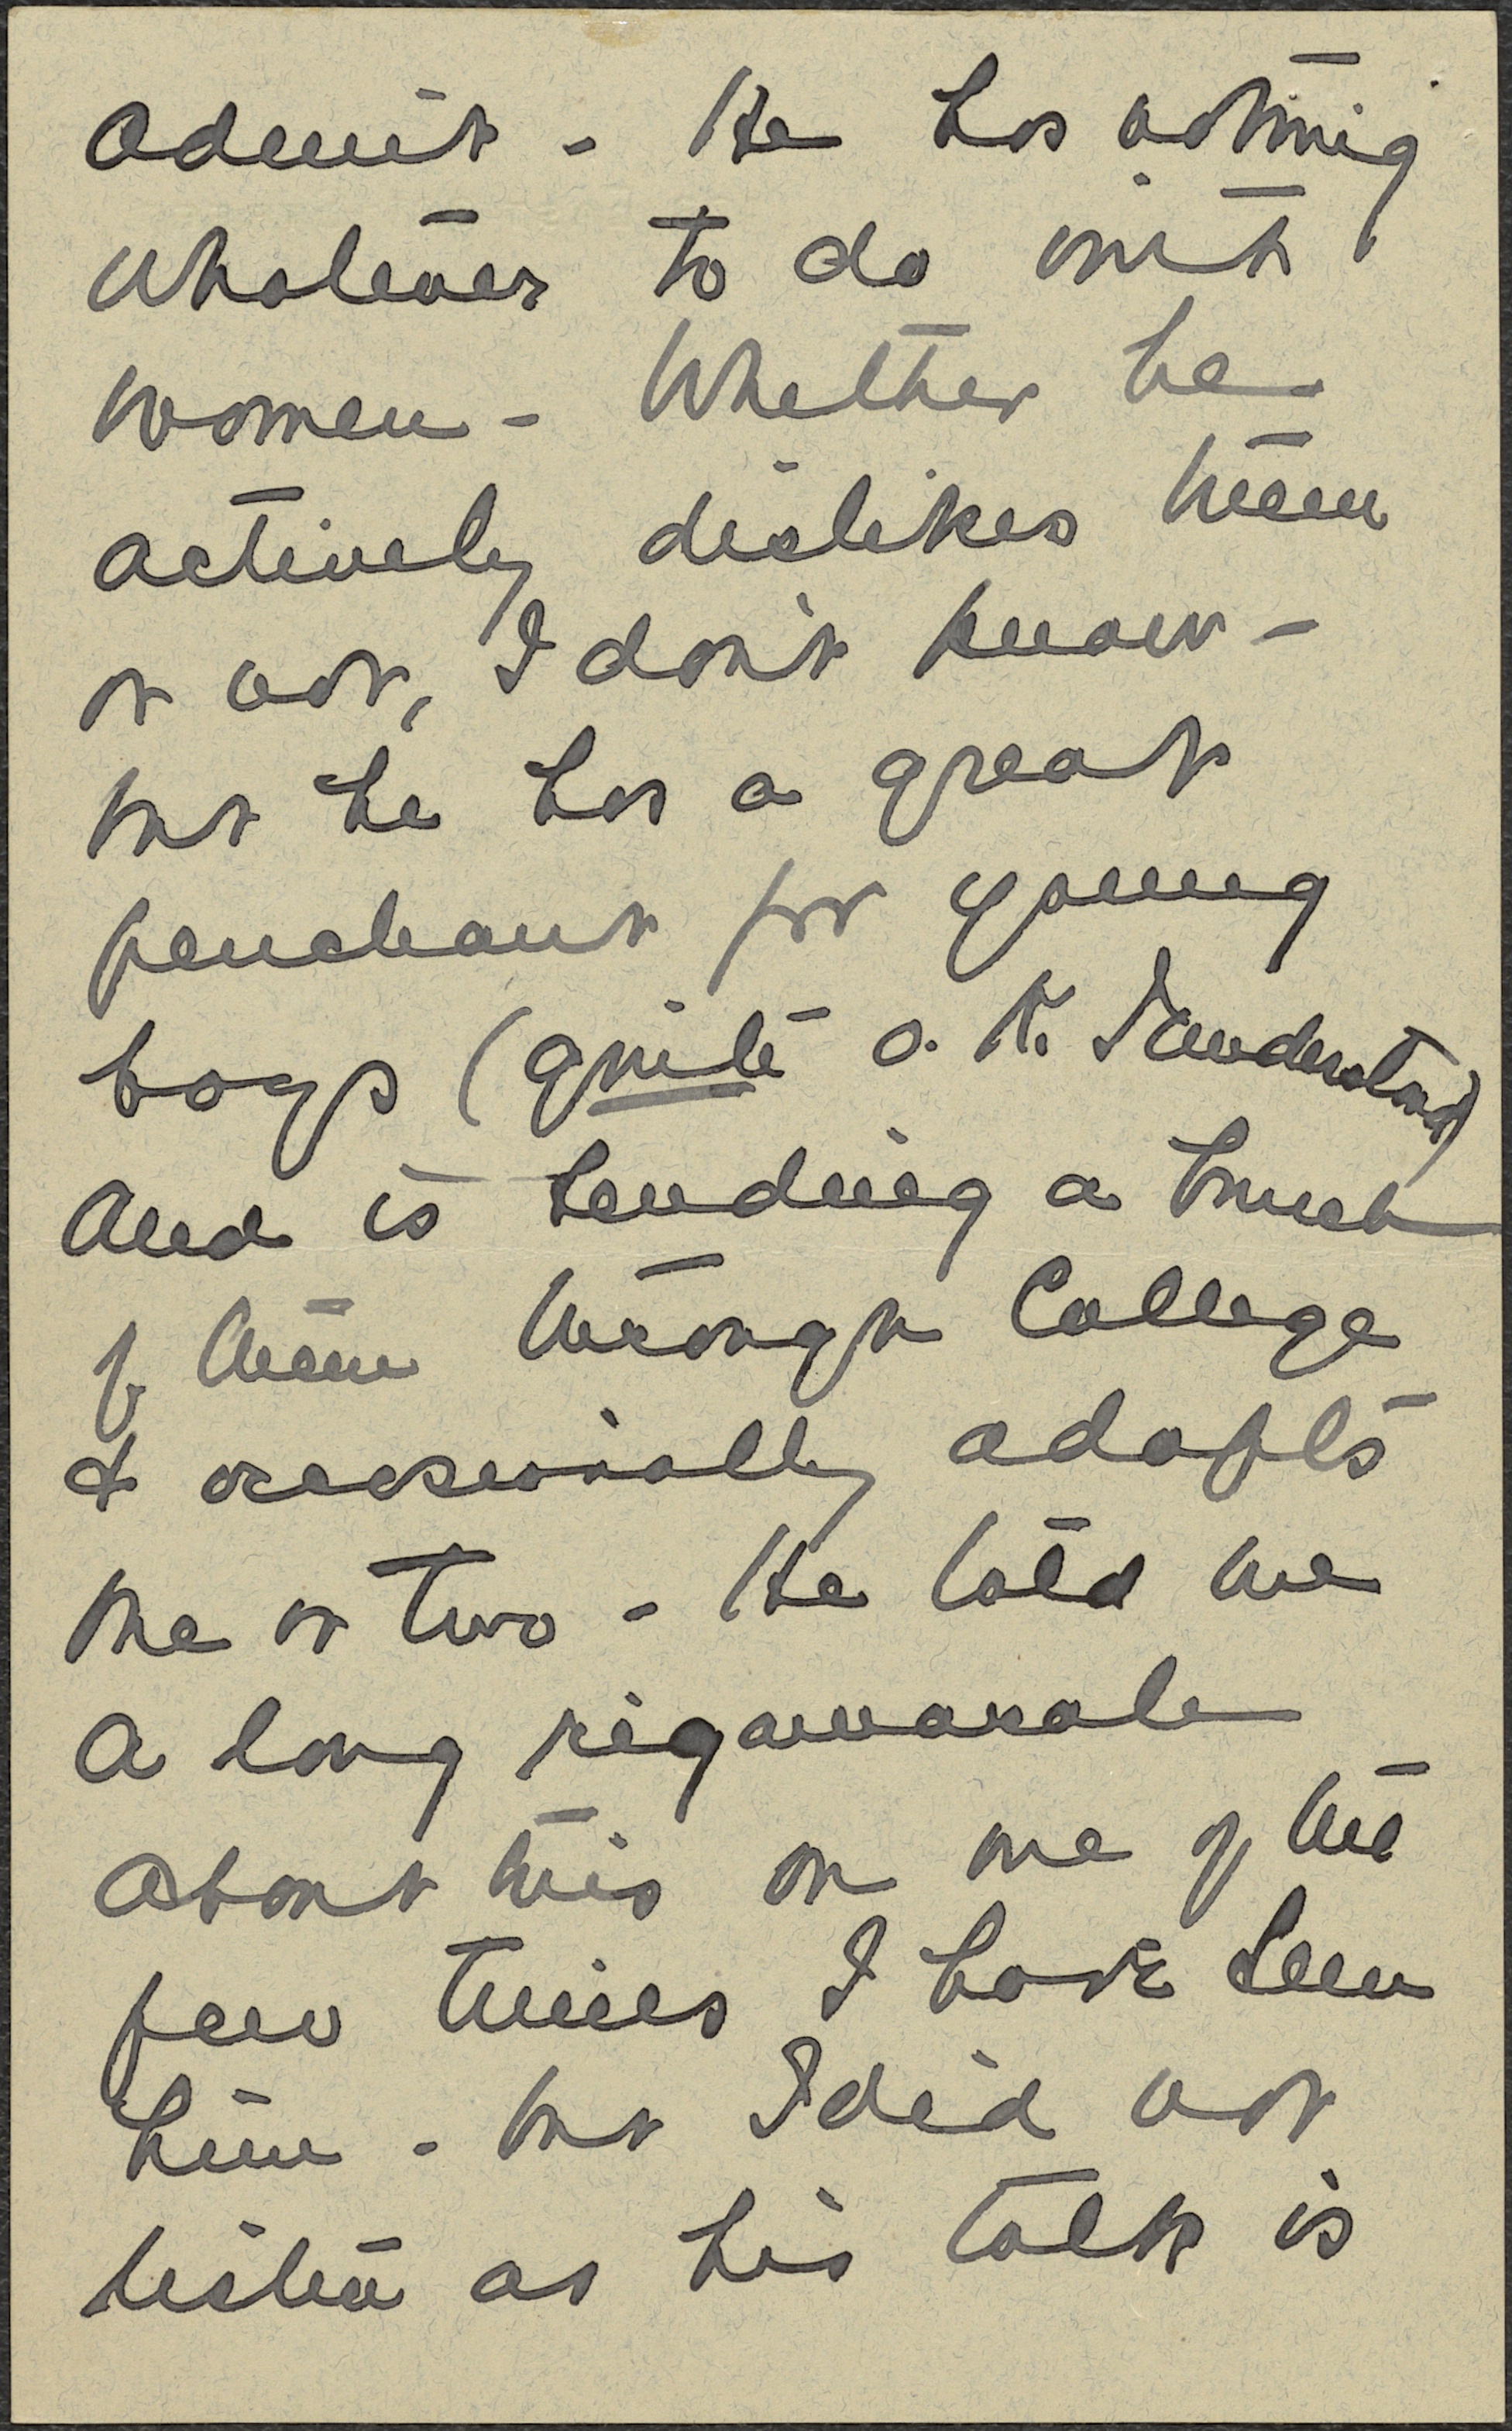admit – He has nothing whatever to do with women – Whether he actively dislikes them or not, I don't know – but he has a great penchant for young boys (quite o.k. I understand) and is sending a bunch of them through college & occasionally adopts one or two – He told me a long rigamarole about this on one of the few times I have seen him – but I did not listen as his talk is